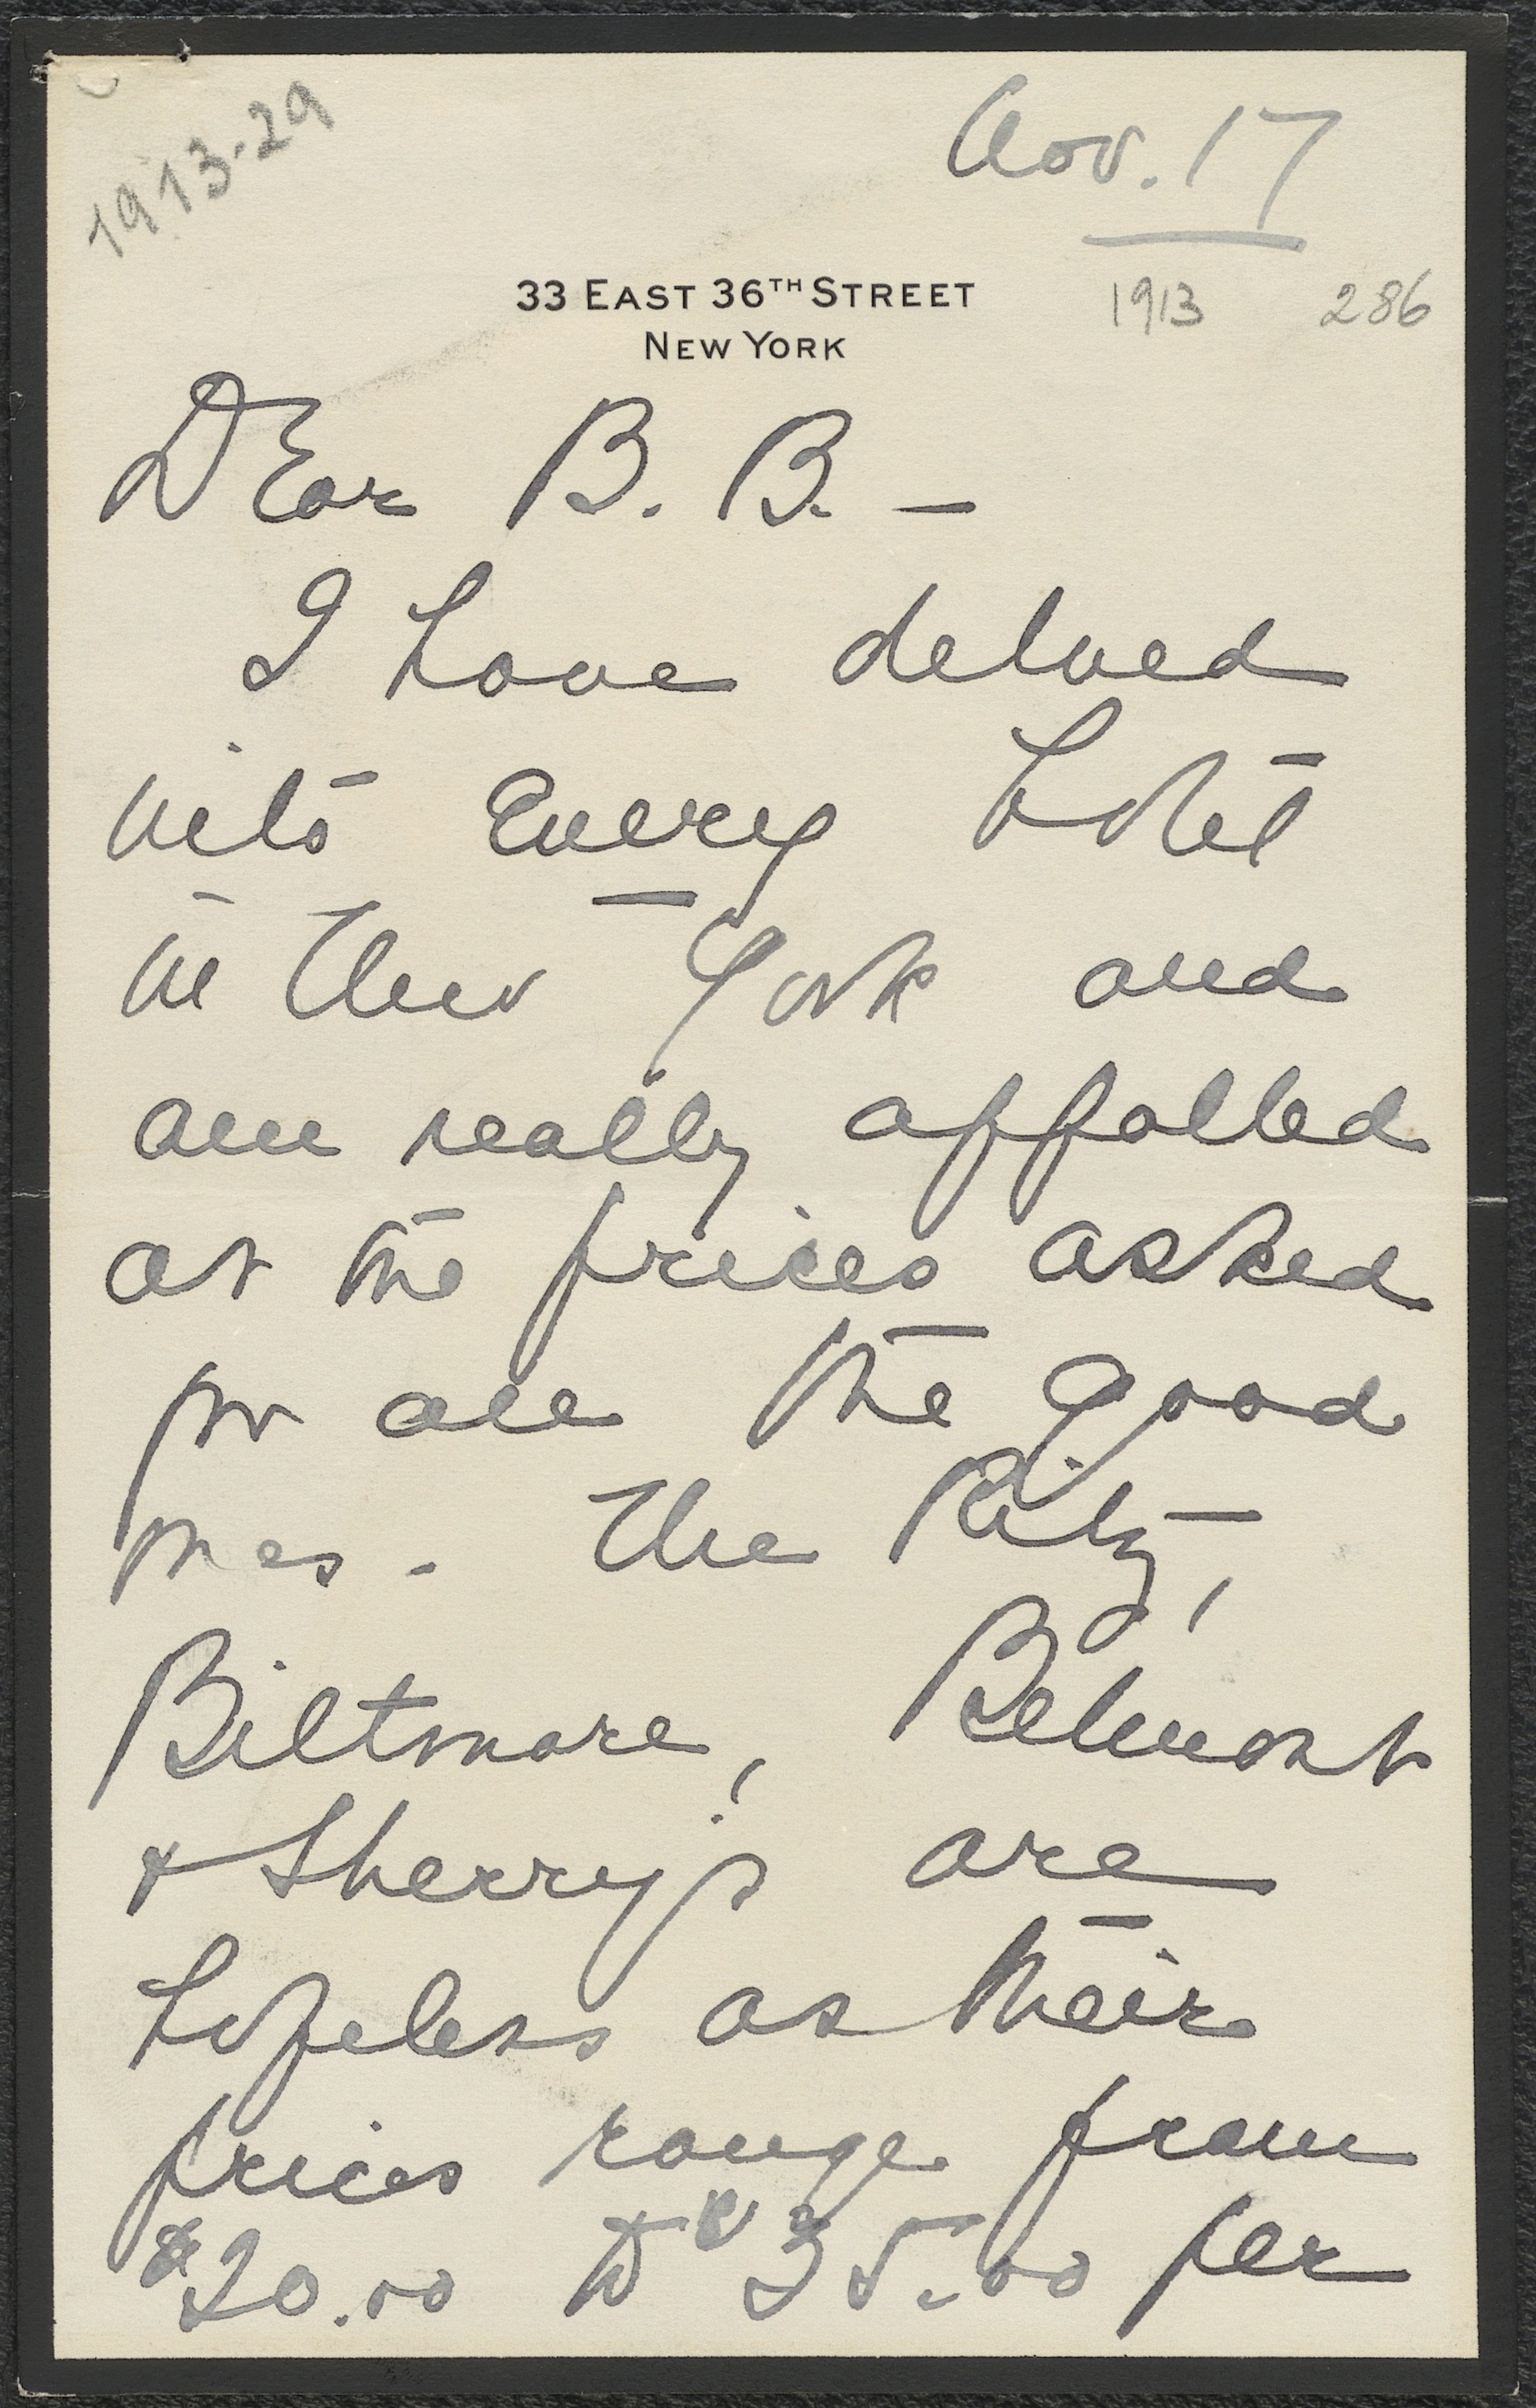Nov. 17
Dear B. B. –
I have delved into every hotel in New York and am really appalled at the prices asked for all the good ones – The Ritz, Biltmore, Belmont & Sherry’s are hopeless as their prices range from $20.00 to $25.00 per